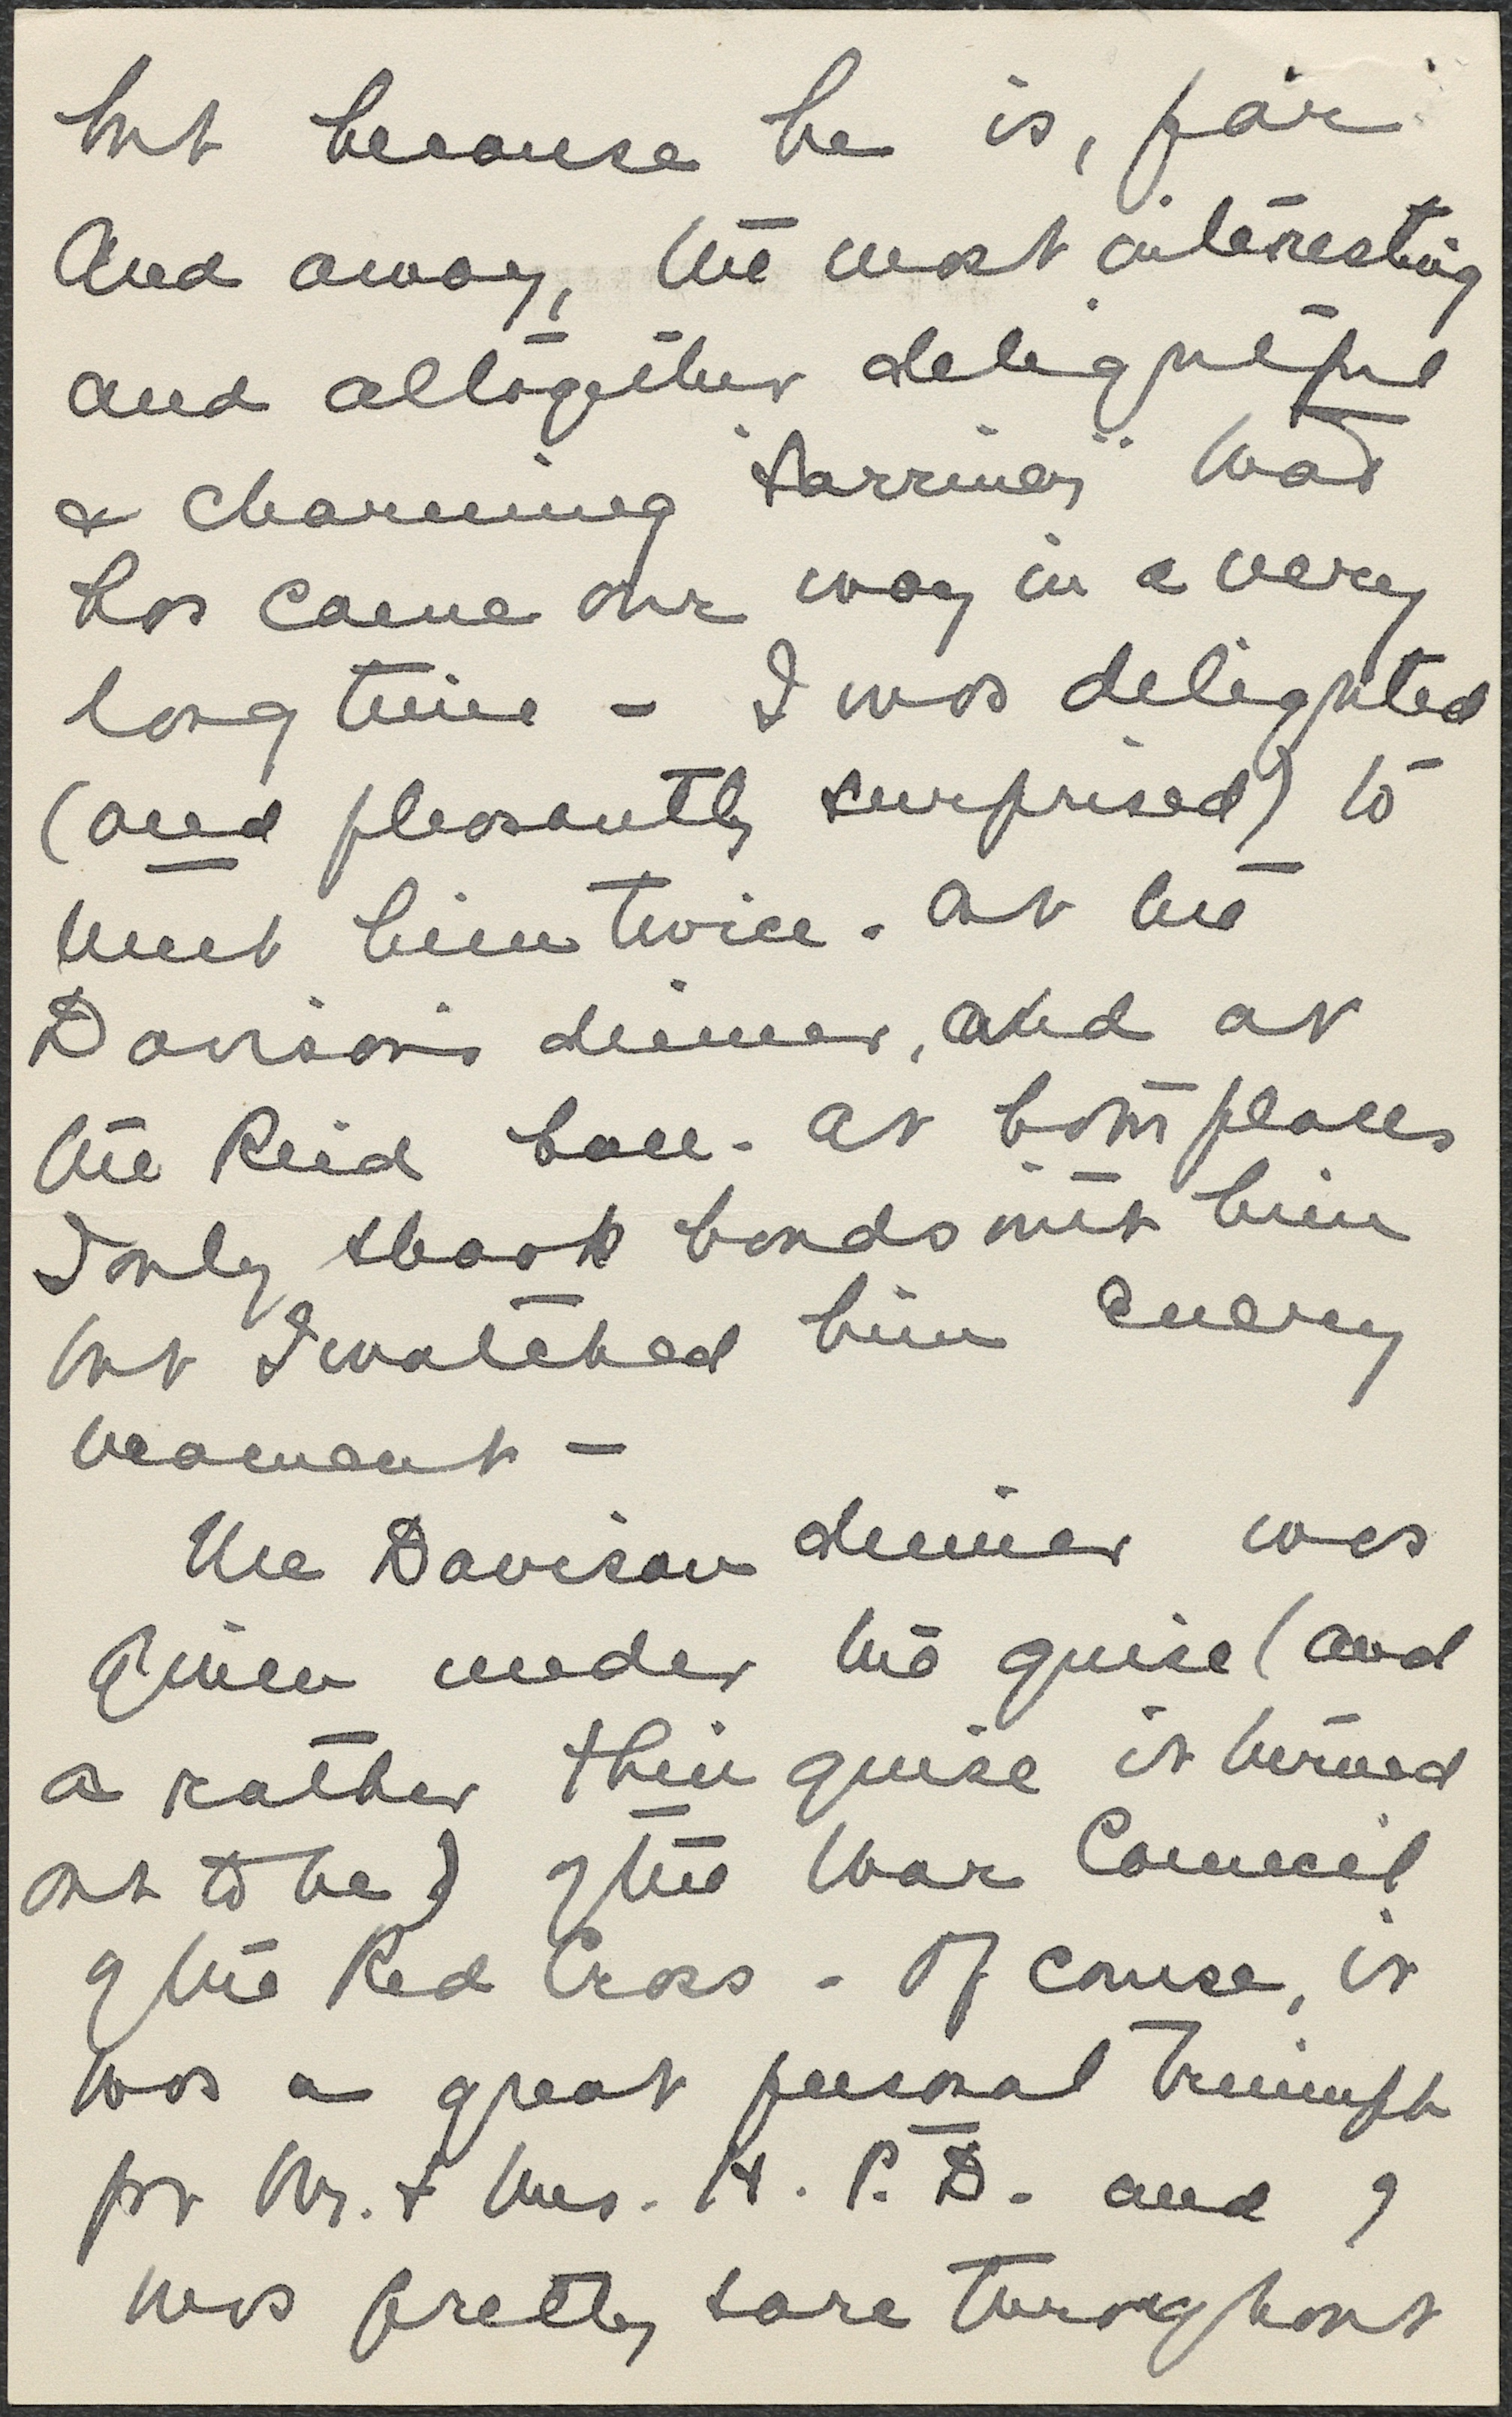but [sic] because he is, far and away, the most interesting and altogether delightful & charming "farriner" that has come our way in a very long time – I was delighted (and pleasantly surprised) to meet him twice, at the Davison's dinner, and at the Reid ball. At both places I only shook hands with him but I watched him every moment –
The Davison dinner was quite under the guise (and a rather thin guise it turned out to be) of the War Council of the Red Cross – Of course, it was a great personal triumph for Mr. & Mrs. H. P. D. and I was pretty sore throughout